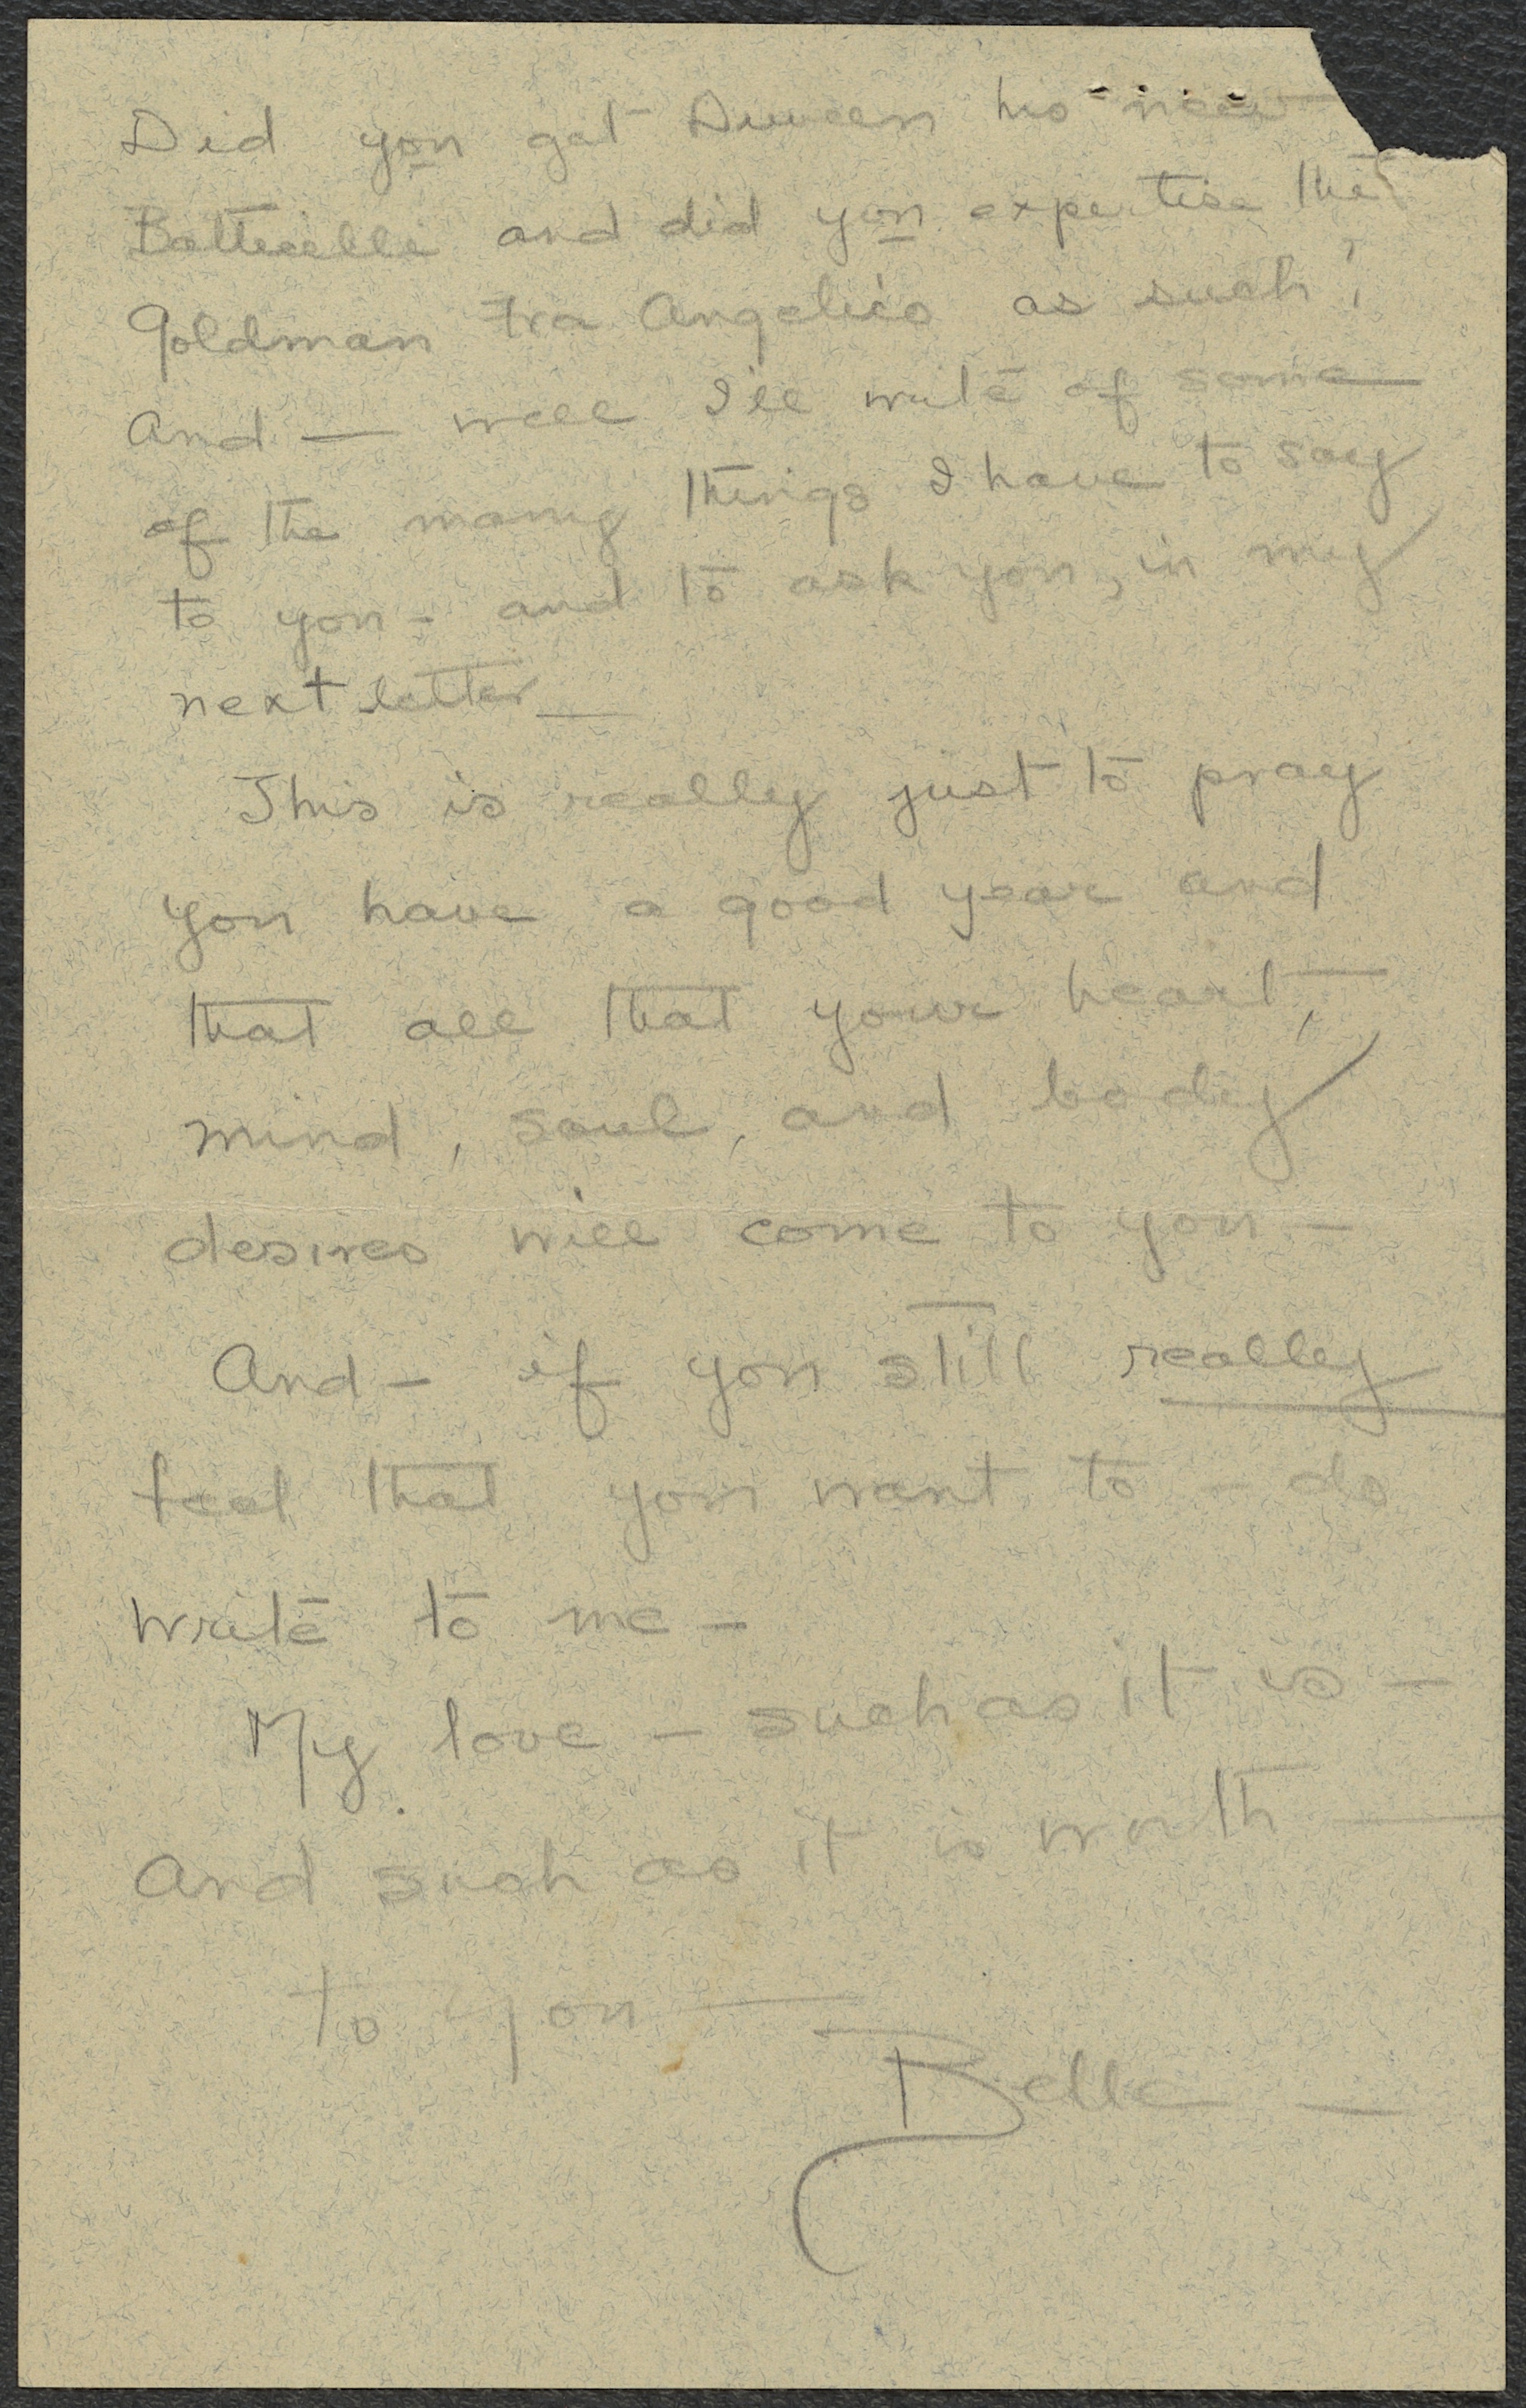Did you get Duveen his new Botticelli and did you expertise the Goldman Fra Angelico as such? And – well I’ll write of some of the many things I have to say to you – and to ask you, in my next letter –
This is really just to pray you have a good year and that all that your heart, mind, soul, and body desires will come to you –
And- if you still really feel that you want to – do write to me –
My love – such as it is – and such as it is worth –
to you –
Belle –